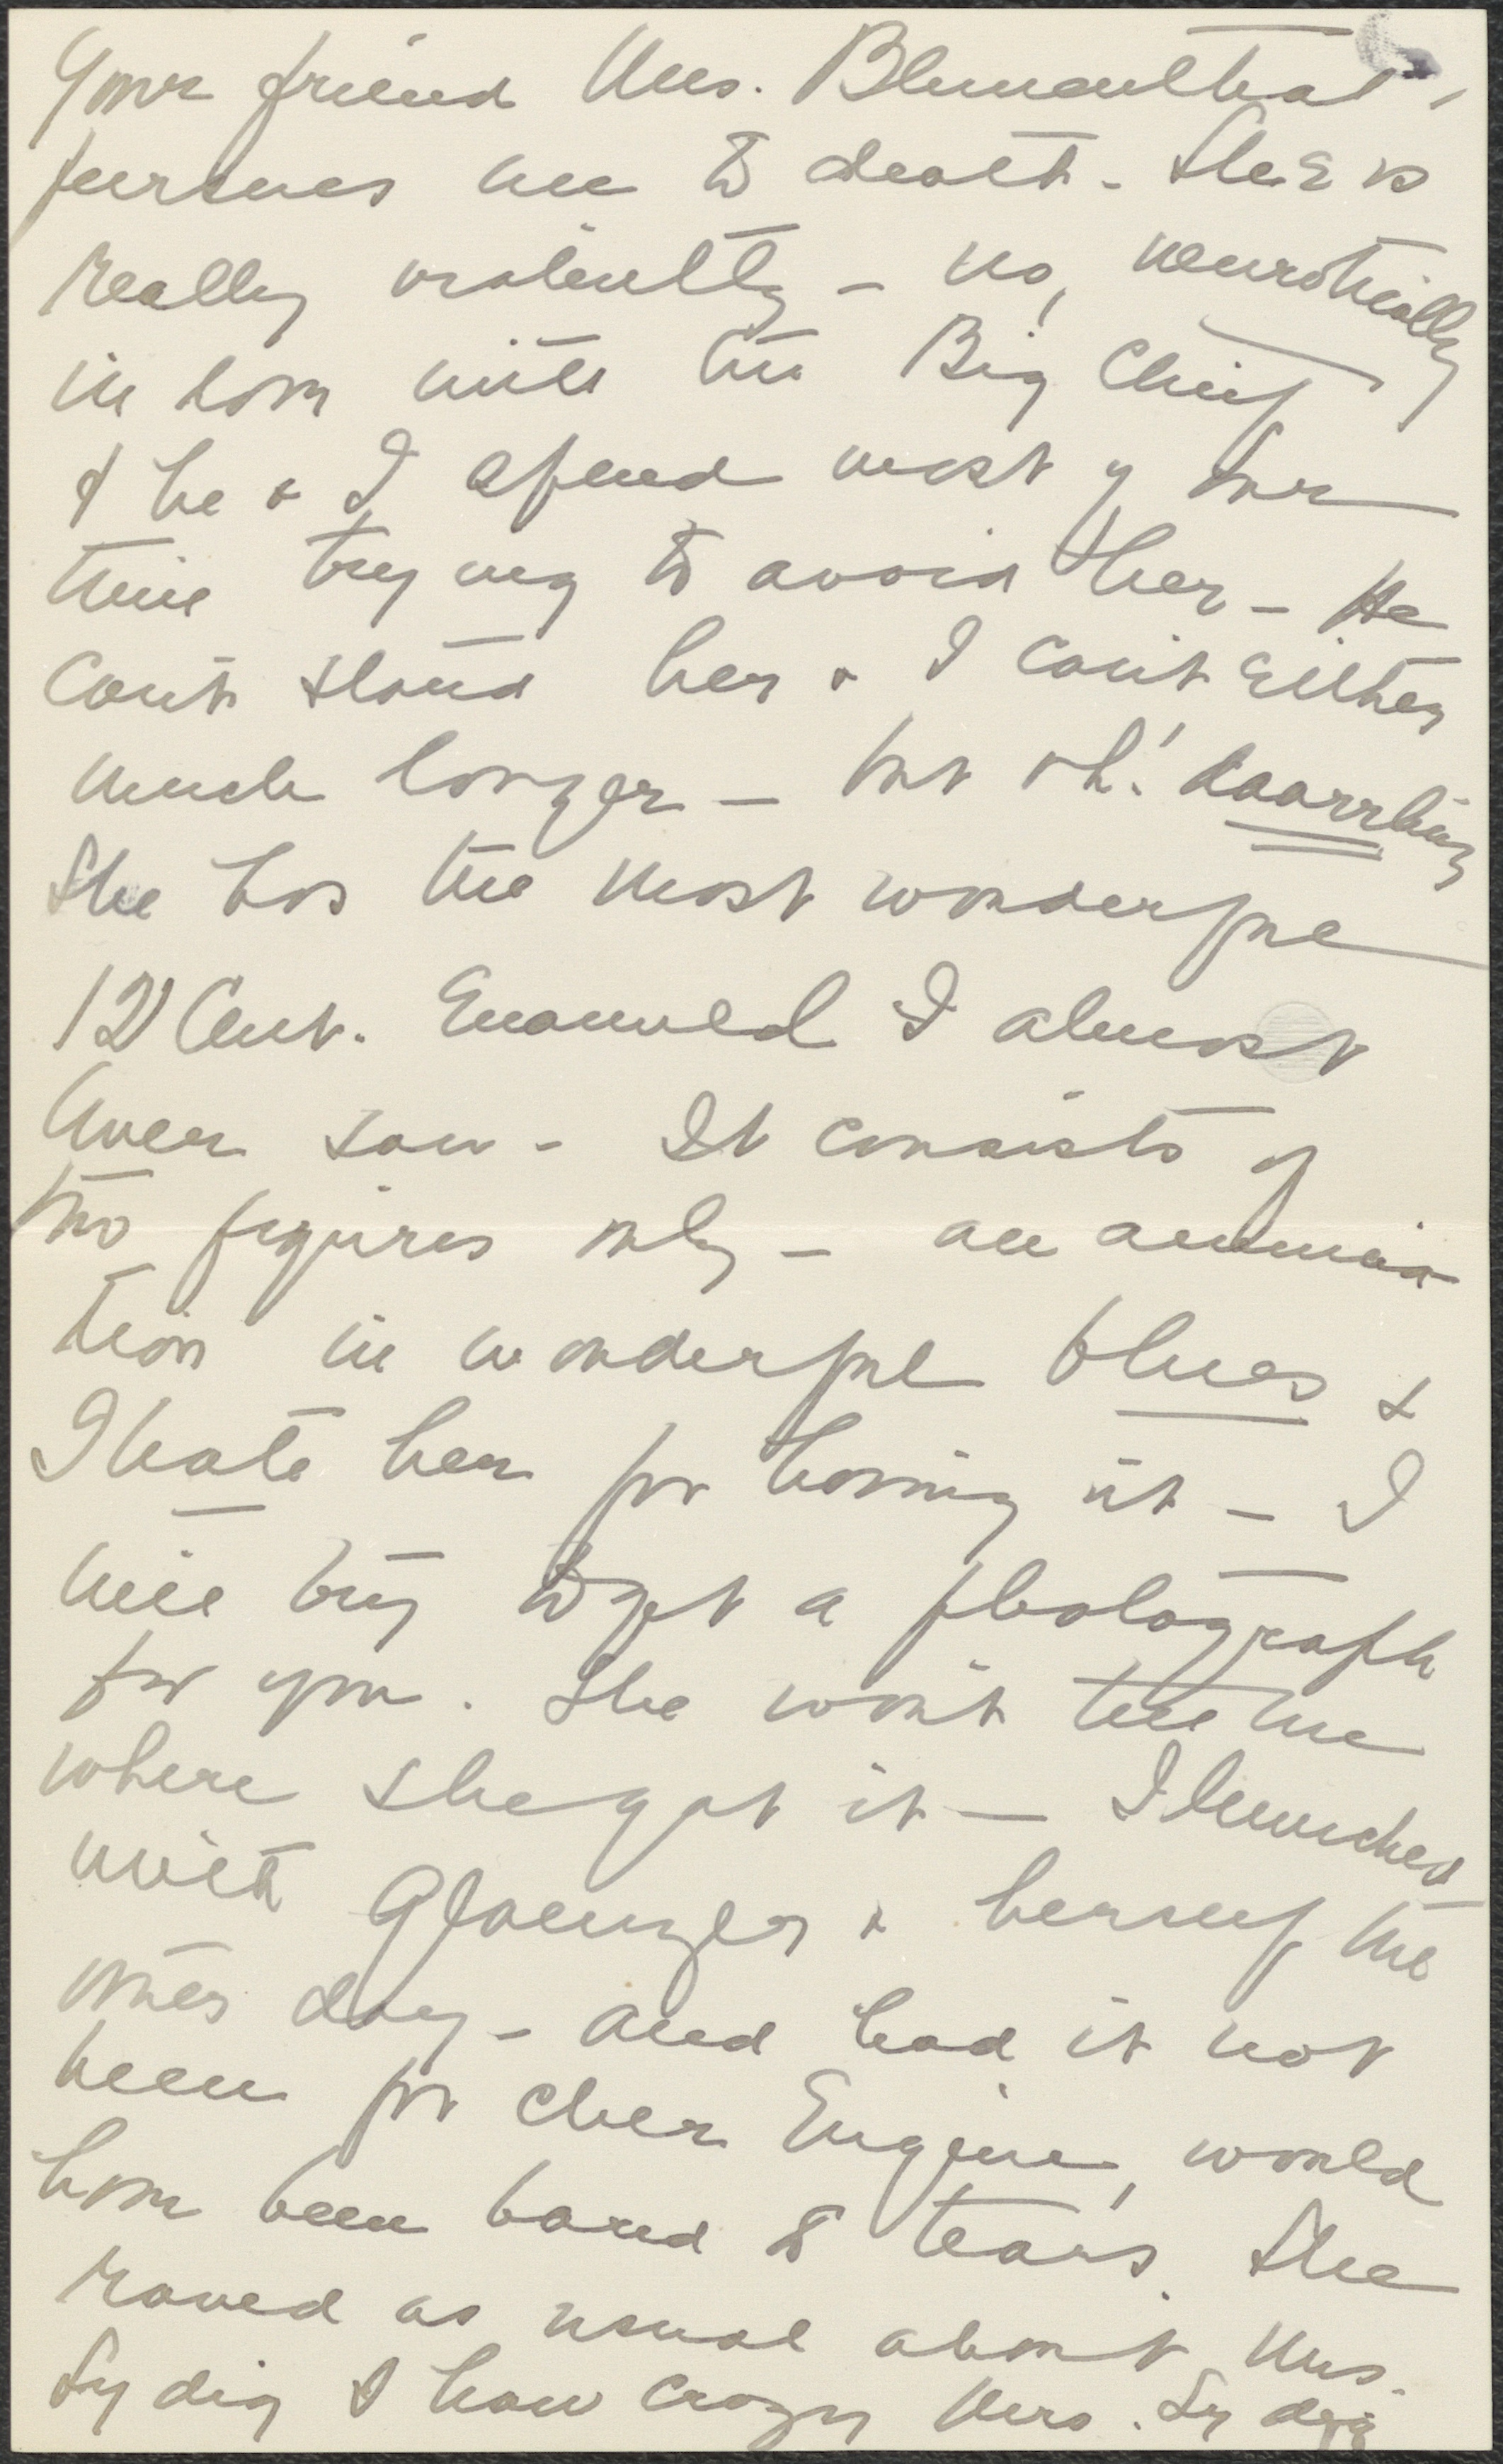Your friend Mrs. Blumenthal pursues me to death. She is really violently – no, neurotically in love with the Big Chief & he & I spend most of our time trying to avoid her – He can’t stand her & I can’t either much longer – but oh! [double underlined: daarrling] she has the most wonderful 12 Cent. Enamel I almost Ever saw – It consists of two figures only – an annunciation in wonderful blues & I hate her for having it – I will try to get a photograph for you. she won’t tell me where she got it – I lunched with Glaenzer & herself the other day – and had it not been for cher Eugène, would have been bored to tears. She raved as usual about Mrs. Lydig & how crazy Mrs. Lydig